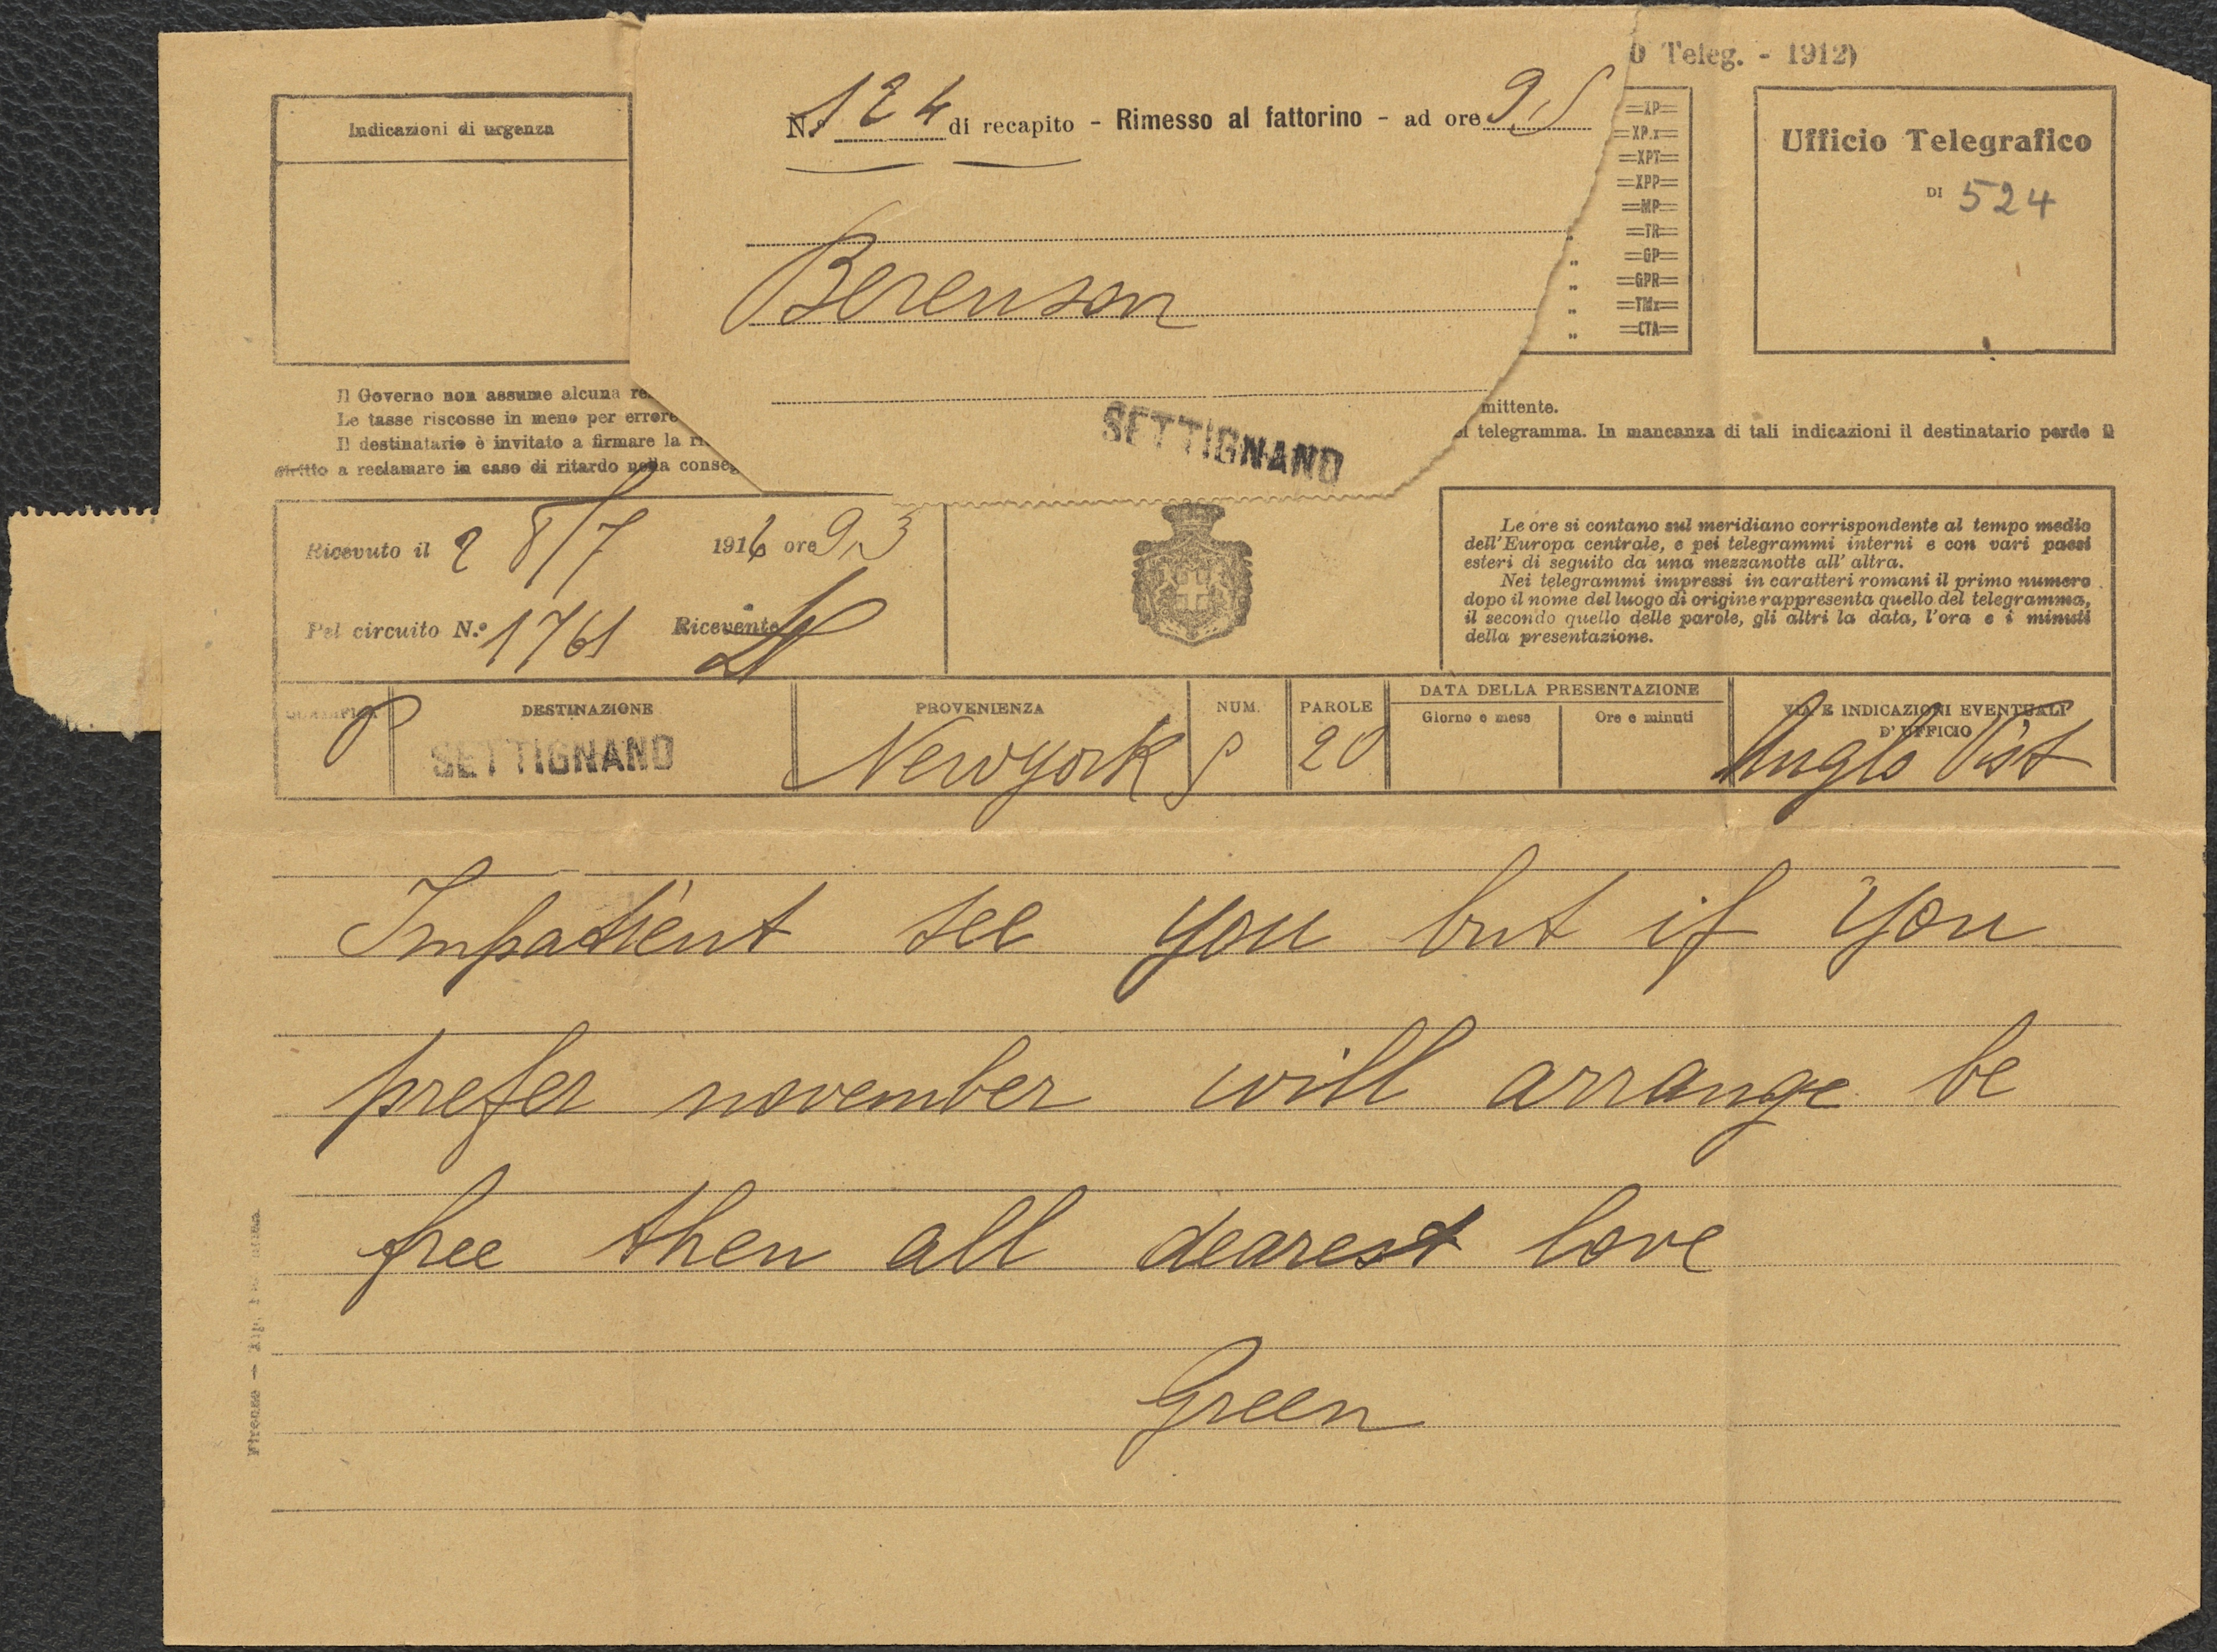Impatient see you but if you prefer november will arrange be free then all dearest love
Green